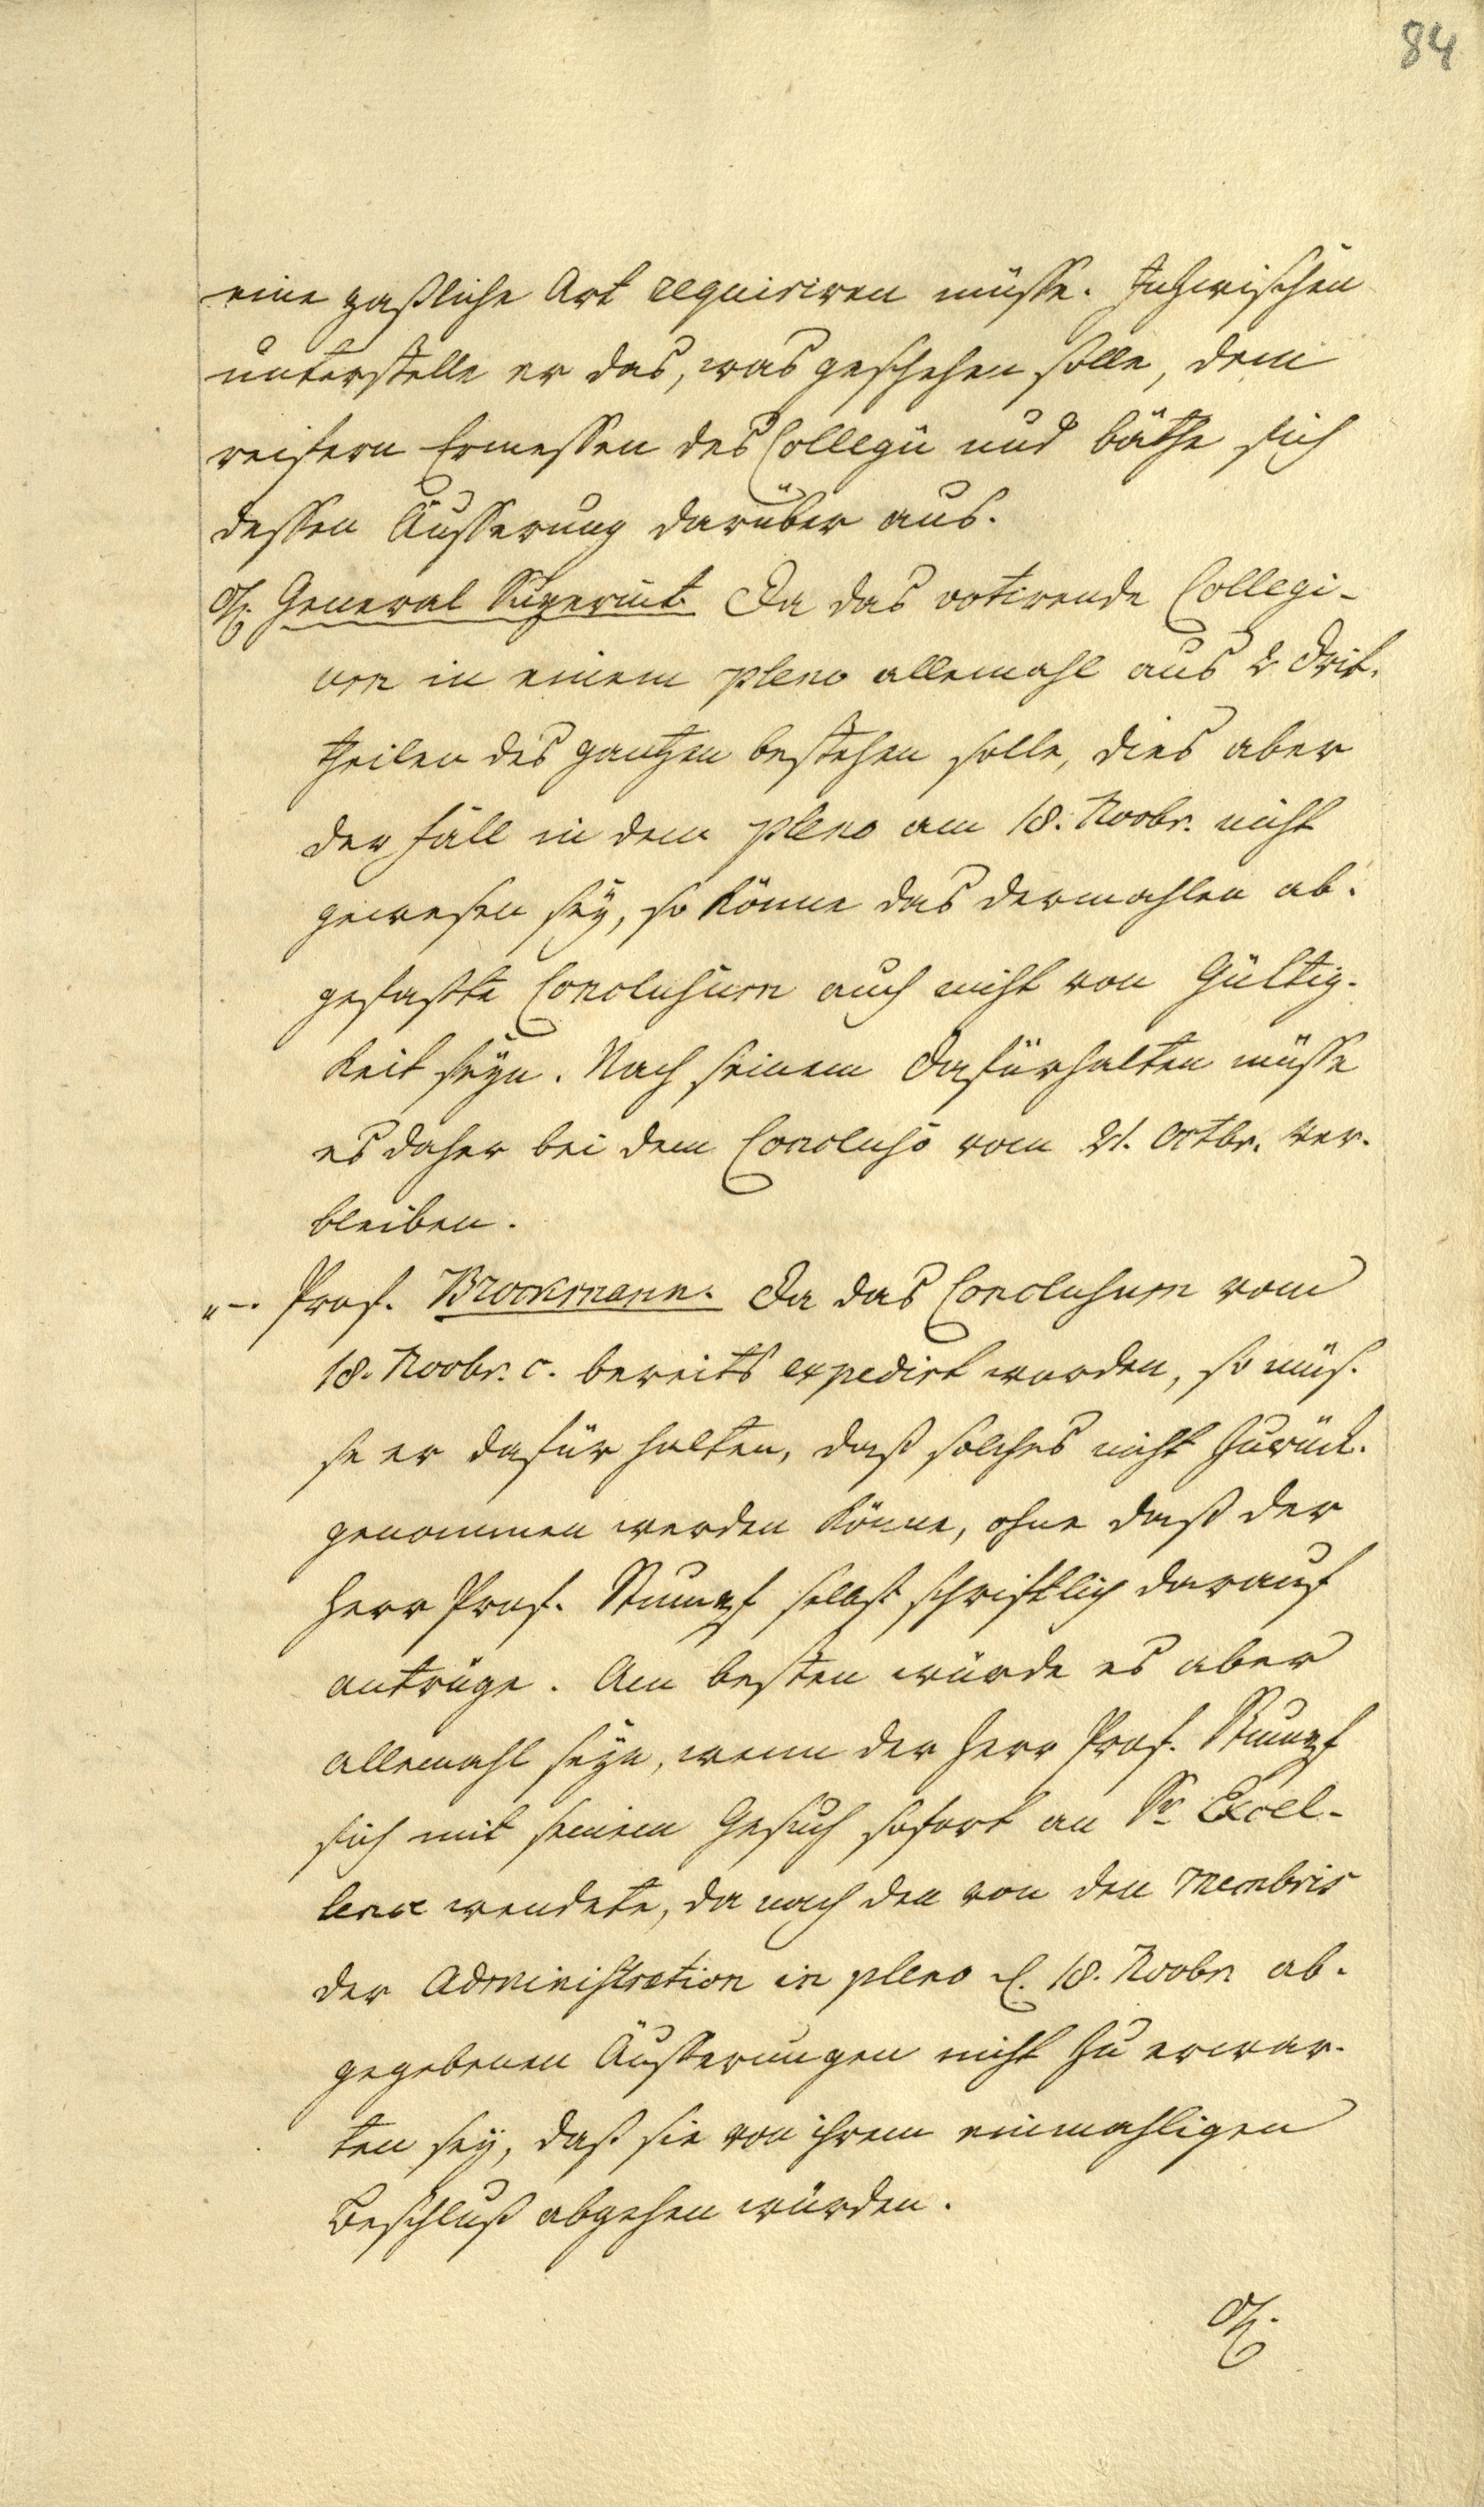eine paßliche Art requiriren müsse. Inzwischen
unterstelle er das, was geschehen solle, dem
reifern Ermessen des Collegii und bäthe sich
dessen Äusserung darüber aus.
dh. General Superint. Da das votirende Collegi¬
um in einem pleno allemahl aus 2 Drit¬
theilen des gantzen bestehen solle, dies aber
der Fall in dem pleno am 18. Novbr. nicht
gewesen seÿ, so könne das dermahlen ab¬
gefaßte Conclusum auch nicht von Gültig¬
keit seÿn. Nach seinem Dafürhalten müsse
es daher bei dem Concluso vom 21. Octbr. ver¬
bleiben.
Prof. Brockmann. Da das Conclusum vom
18. Novbr. c. bereits expedirt worden, so müs¬
se er dafür halten, daß solches nicht zurück¬
genommen werden könne, ohne daß der
Herr Prof. Stumpf selbst schriftlich darauf
anträge. Am besten würde es aber
allemahl seÿn, wenn der Herr Prof. Stumpf
sich mit seinem Gesuch sofort an Sr Excel¬
lence wendete, da nach den von den Membris
der Administration in pleno d. 18. Novbr ab¬
gegebenen Äusserungen nicht zu erwar-
ten seÿ, daß sie von ihrem einmahligen
Beschluß abgehen würden.
dh.